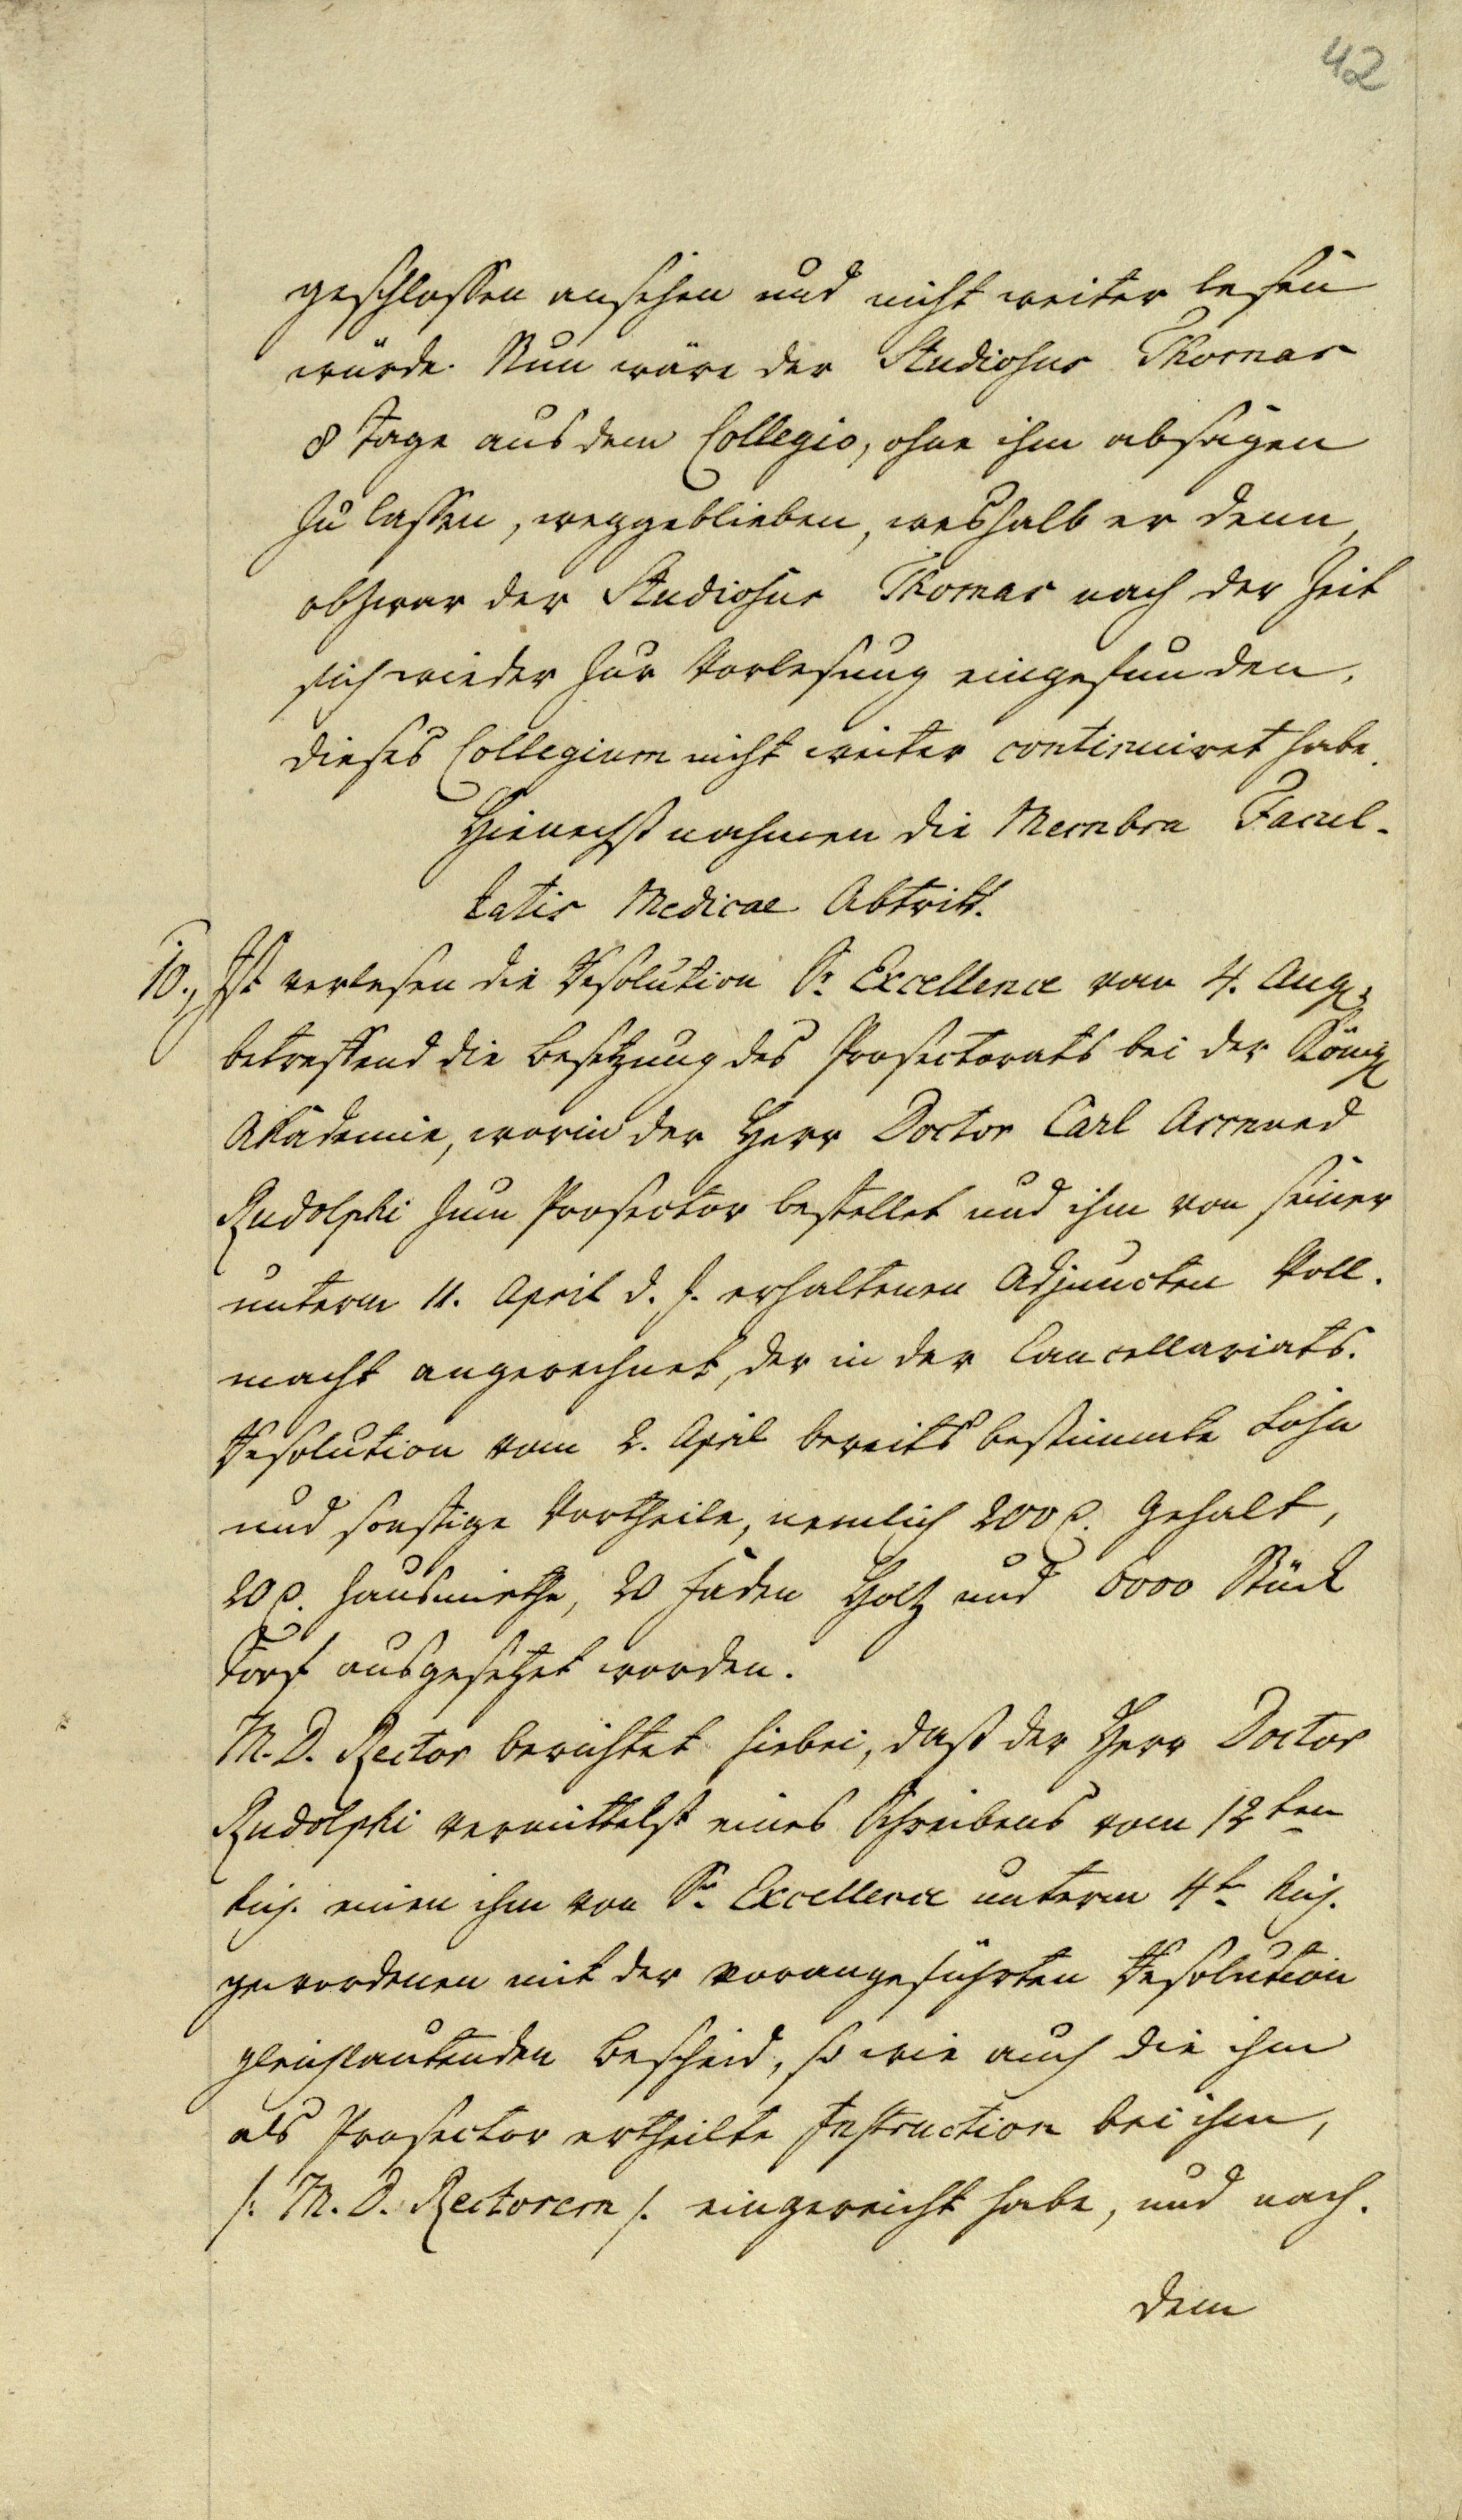geschlossen ansehen und nicht weiter lesen
würde. Nun wäre der Studiosus Thomas
8 Tage aus dem Collegio, ohne ihm absagen
zu lassen, weggeblieben, weshalb er denn
ob zwar der Studiosus Thomas nach der Zeit
sich wieder zur Vorlesung eingefunden,
dieses Collegium nicht weiter continuiret habe.
Hienechst nahmen die Membra Facul¬
tatis Medica. Abtritt.
10., Ist verlesen die Resolution Sr Excellence vom 4. Aug.
betreffend die Besetzung des Prosectorats bei der Königl.
Akademie, worin der Herr Doctor Carl Asmund
Rudolphi zum Prosector bestellet und ihm von seiner
unterm 11. April d. J. erhaltenen Adjuncten Voll¬
macht angerechnet, der in der Cancellariats¬
Resolution vom 2. April bereits bestimmte Lohn
und sonstige Vortheile, nemlich 200 l. Gehalt,
20 l. Hausmiethe, 20 Faden Holz und 6000 Stück
Torf ausgesetzet worden.
M. D. Rector berichtet hiebei, daß der Herr Doctor
Rudolphi vermittelst eines Schreibens vom 12 ten
huj. einen ihm von Sr Excellence unterm 4 t. huj.
gewordenen mit der vorangeführten Resolution
gleichlautenden Bescheid, so wie auch die ihm
als Prosector ertheilte Instruction bei ihm,
/: M. D. Rectorem /. eingereicht habe, und nach¬
dem